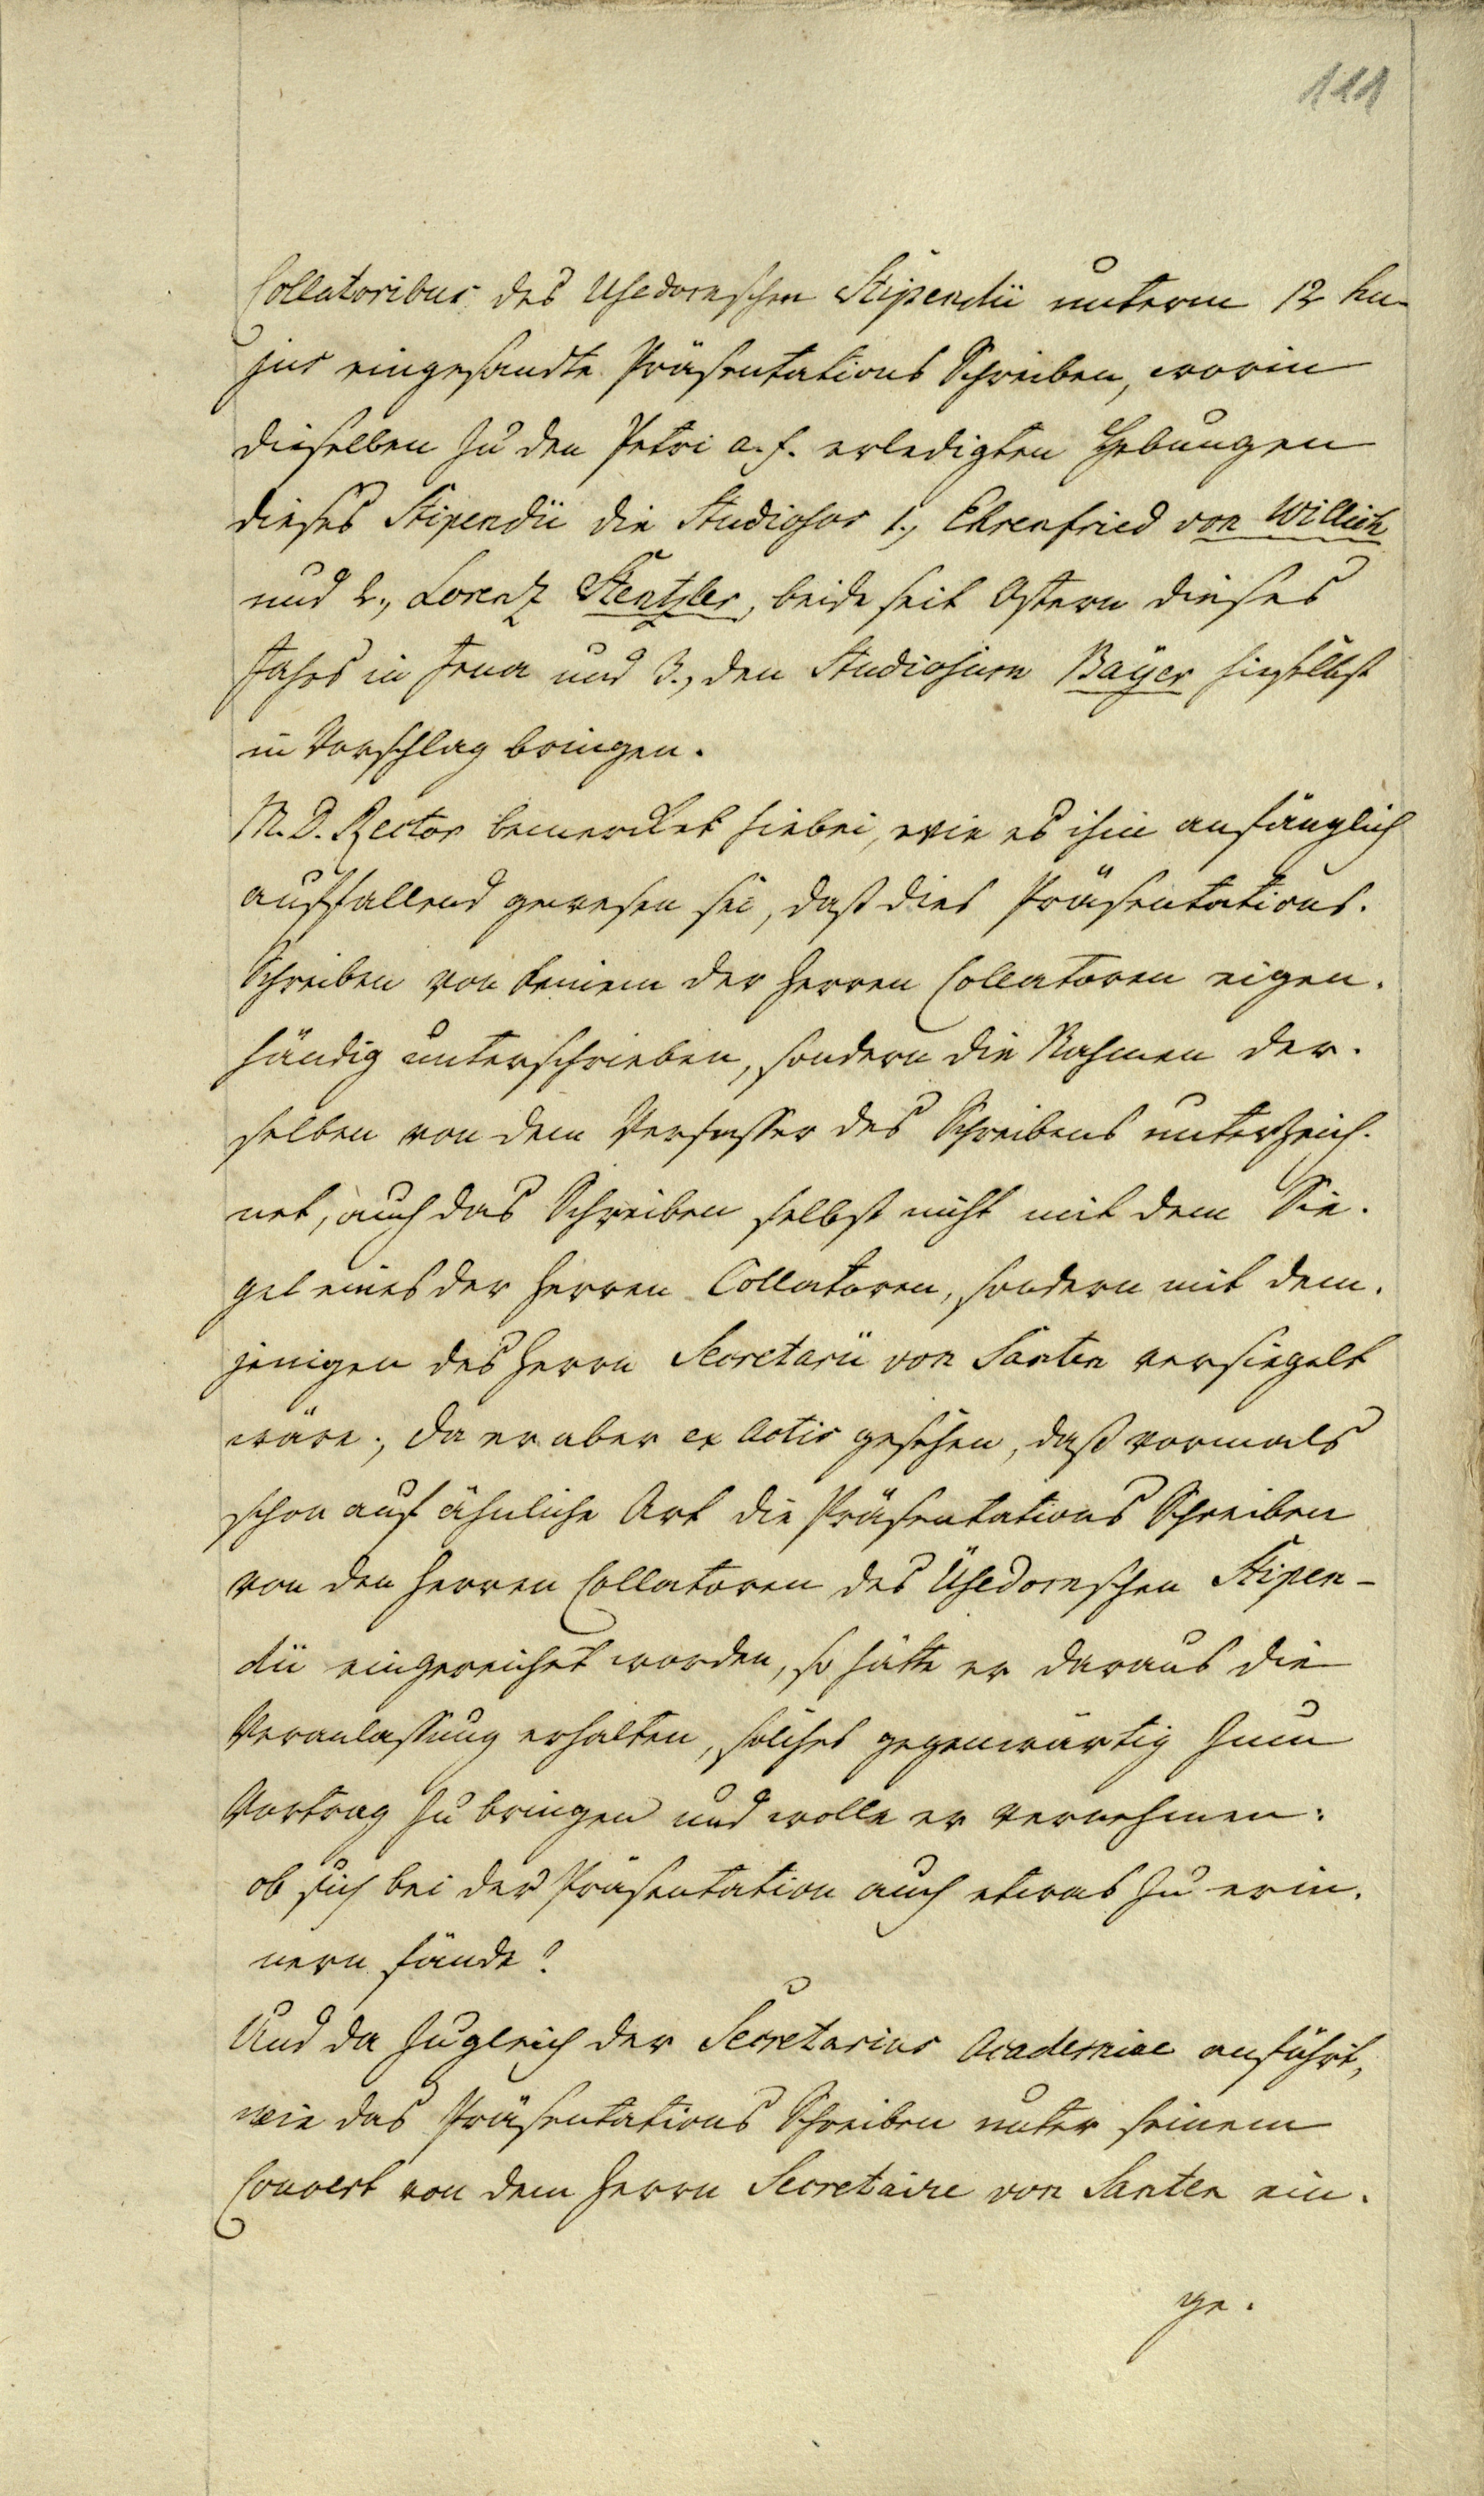Collatoribus des Usedomschen Stipendii unterm 12 hu¬
jus eingesandte Präsentations Schreiben, worin
dieselben zu den Petri a. f. erledigten Hebungen
dieses Stipendii die Studiosos 1., Ehrenfried von Willich
und 2., Lorenz Stentzler, beide seit Ostern dieses
Jahes in Jena und 3., den Studiosum Baÿer hieselbst
in Vorschlag bringen.
M. D. Rector bemercket hiebei, die es ihm anfänglich
auffallend gewesen sei, daß dies Präsentations¬
Schreiben von keinem der Herren Collatoren eigen¬
händig unterschrieben, sondern die Nahmen der¬
selben von dem Verfasser des Schreibens unterzeich¬
net, auch das Schreiben selbst nicht mit dem Sie¬
gel eines der Herren Collatoren, sondern mit dem¬
jenigen des Herrn Secretarii von Santen versiegelt
wäre., Da er aber ex Actis gesehen, daß vormals
schon auf ähnlichen Art die Präsentations Schreiben
von den Herren Collatoren des Üsedomschen Stipen¬
dii eingereichet worden, so hätte er daraus die
Veranlassung erhalten, solches gegenwärtig zum
Vortrag zu bringen und wolle er vernehmen:
ob sich bei der Präsentation auch etwas zu erin¬
nern fände ?
Und da zugleich der Secretarius Academiae anführt,
wie das Präsentations Schreiben unter seinem
Couvert von dem Herrn Secretaire von Santen ein¬
ge¬